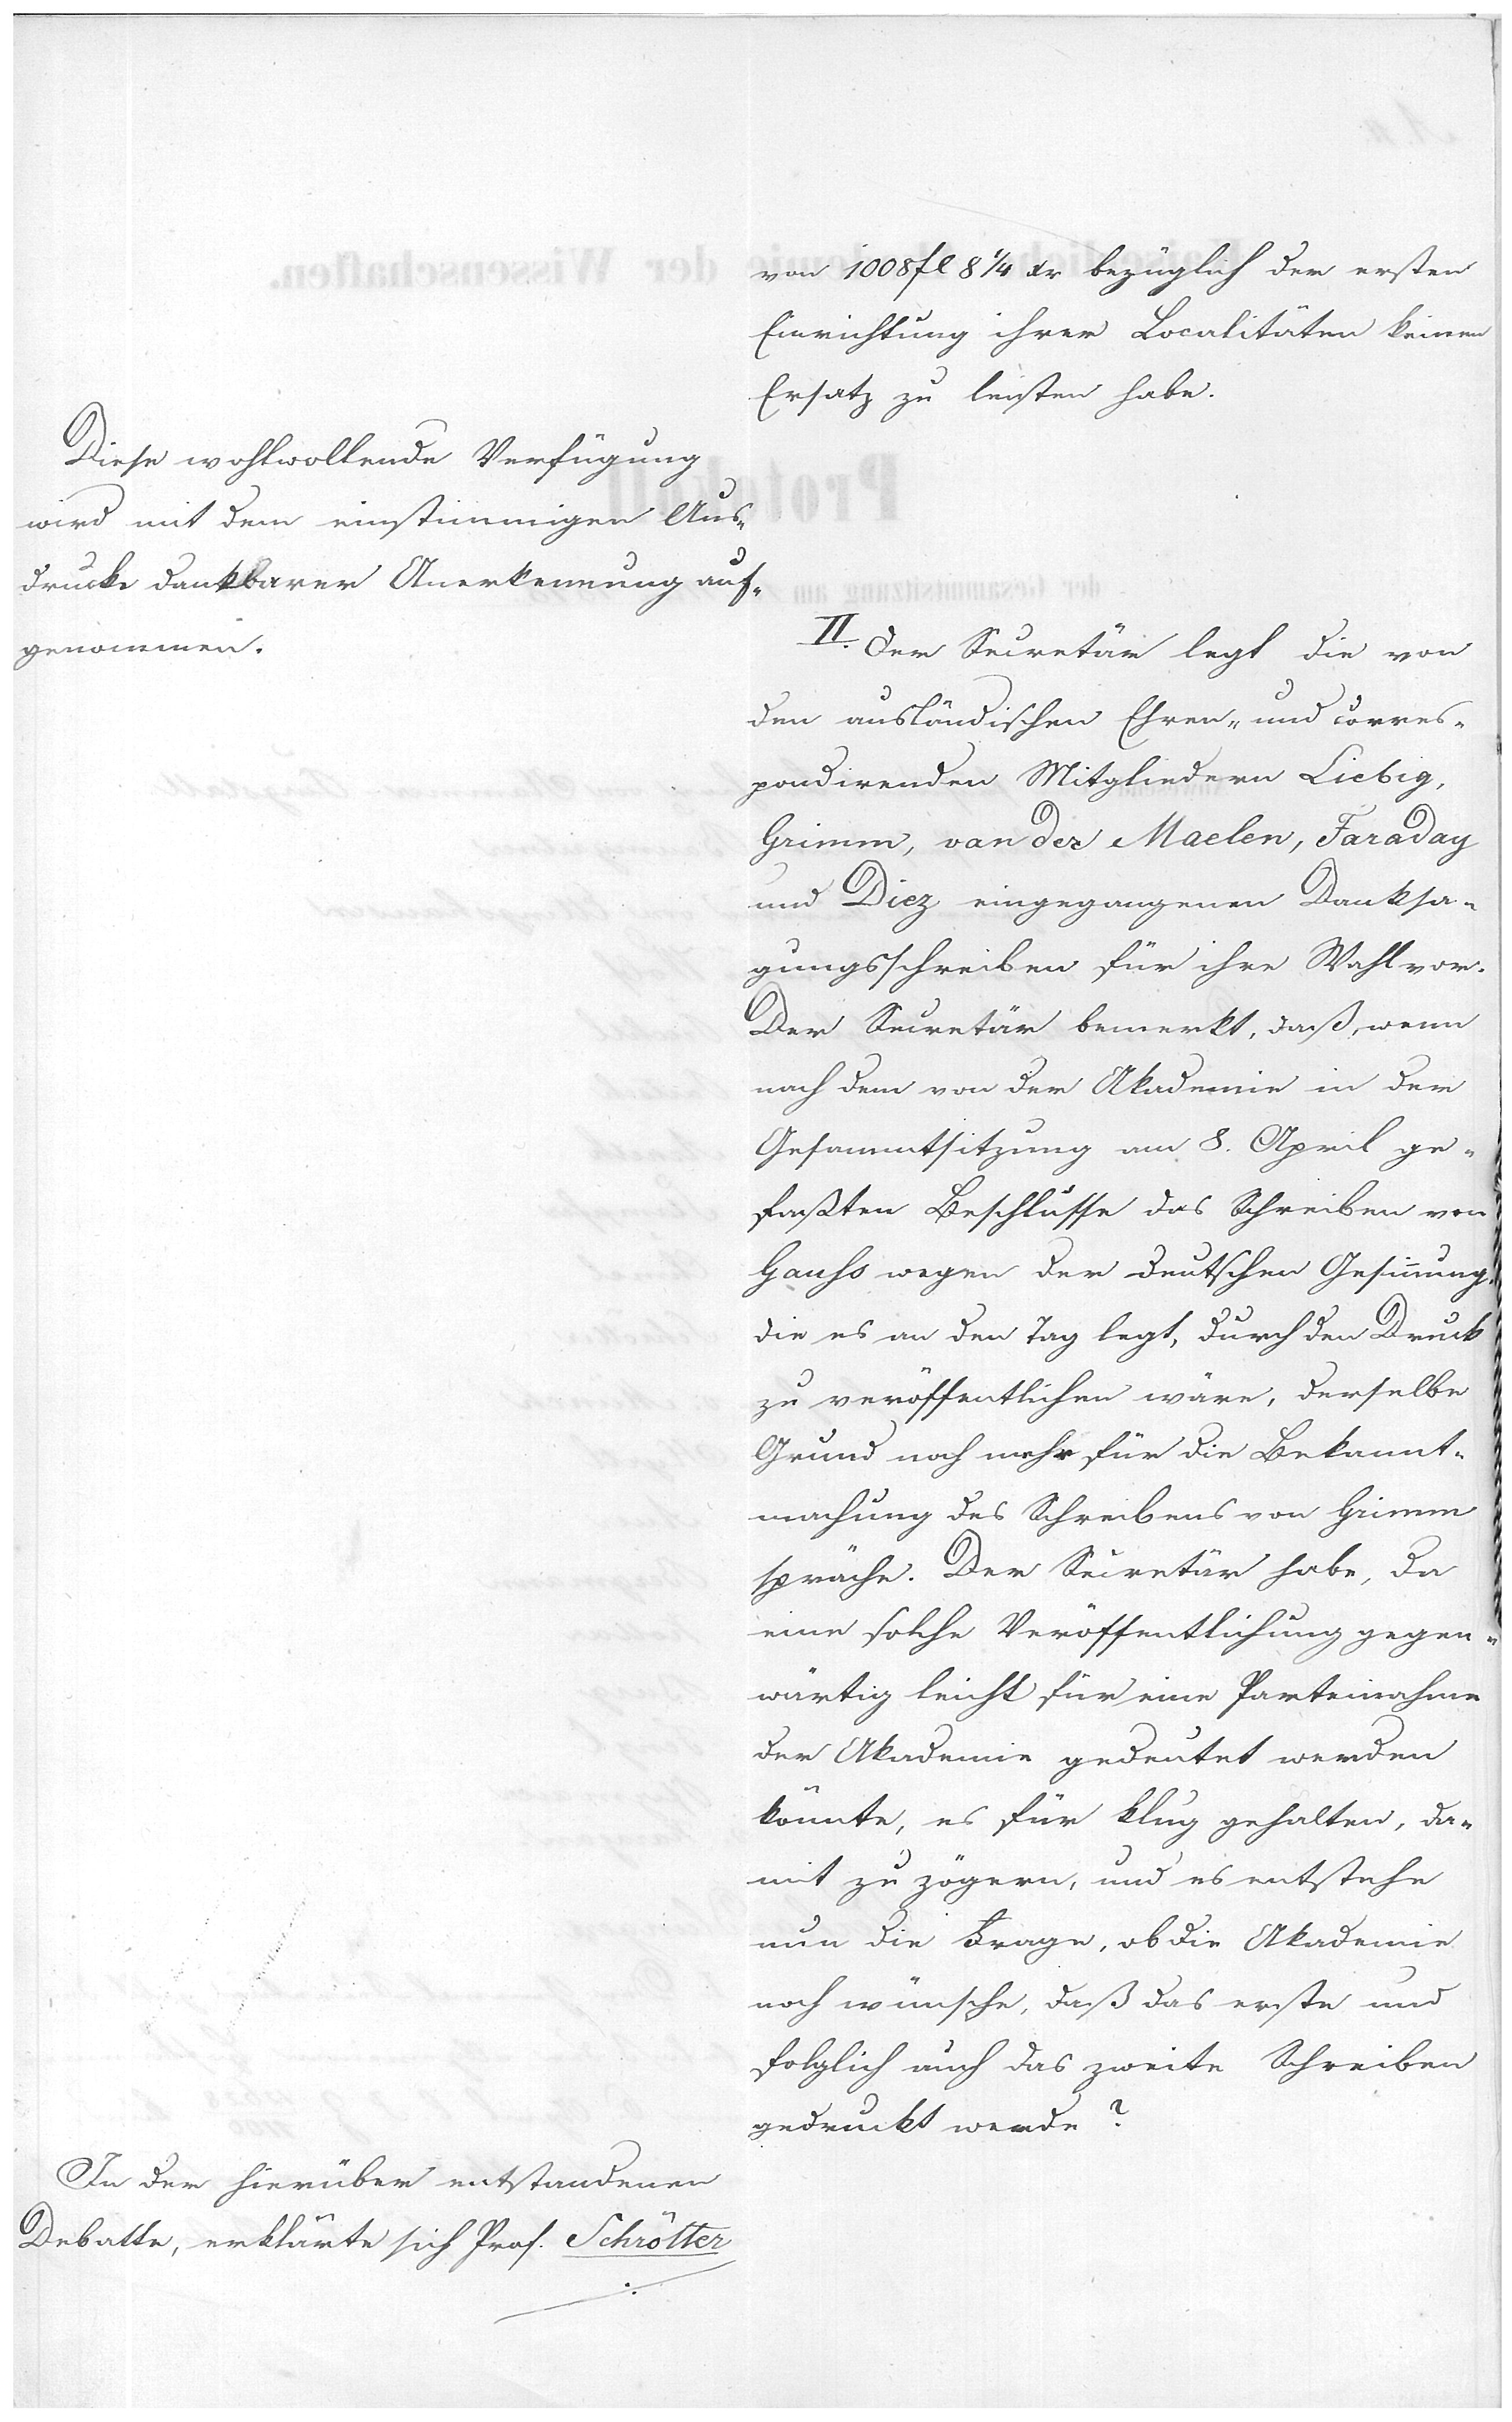von 1008 fl 8 1/4 kr bezüglich der ersten
Einrichtung ihrer Localitäten keinen
Ersatz zu leisten habe.
Diese wohltuende Verfügung
wird mit dem einstimmigen Aus-
drucke dankbarer Anerkennung auf-
genommen.
II. Der Secretär legt die von
den ausländischen Ehren- und corres-
pondirenden Mitgliedern Liebig,
Grimm, van der Maelen, Faraday
und Diez eingegangenen Danksa-
gungschreiben für ihre Wahl vor.
Der Secretär bemerkt, daß, wenn
nach dem von der Akademie in der
Gesammtsitzung an 8. April ge-
faßten Beschlusse das Schreiben von
Gauss wegen der deutschen Gesinnung,
die es an den Tag legt durch den Druck
zu veröffentlichen wäre, derselben
Grund noch mehr für die Bekannt-
machung des Schreibens von Grimm
spräche. Der Secretär habe, da
eine solche Veröffentlichung gegen-
wärtig leicht für eine Parteinahme
der Akademie gedeutet werden
könnte, es für klug gehalten, da-
mit zu zögern, und es entstehe
nun die Frage, ob die Akademie
noch wünsche, daß das erste und
folglich auch das zweite Schreiben
gedruckt werde?
In der hierüber entstandenen
Debatte, erklärte sich Prof. Schrötter